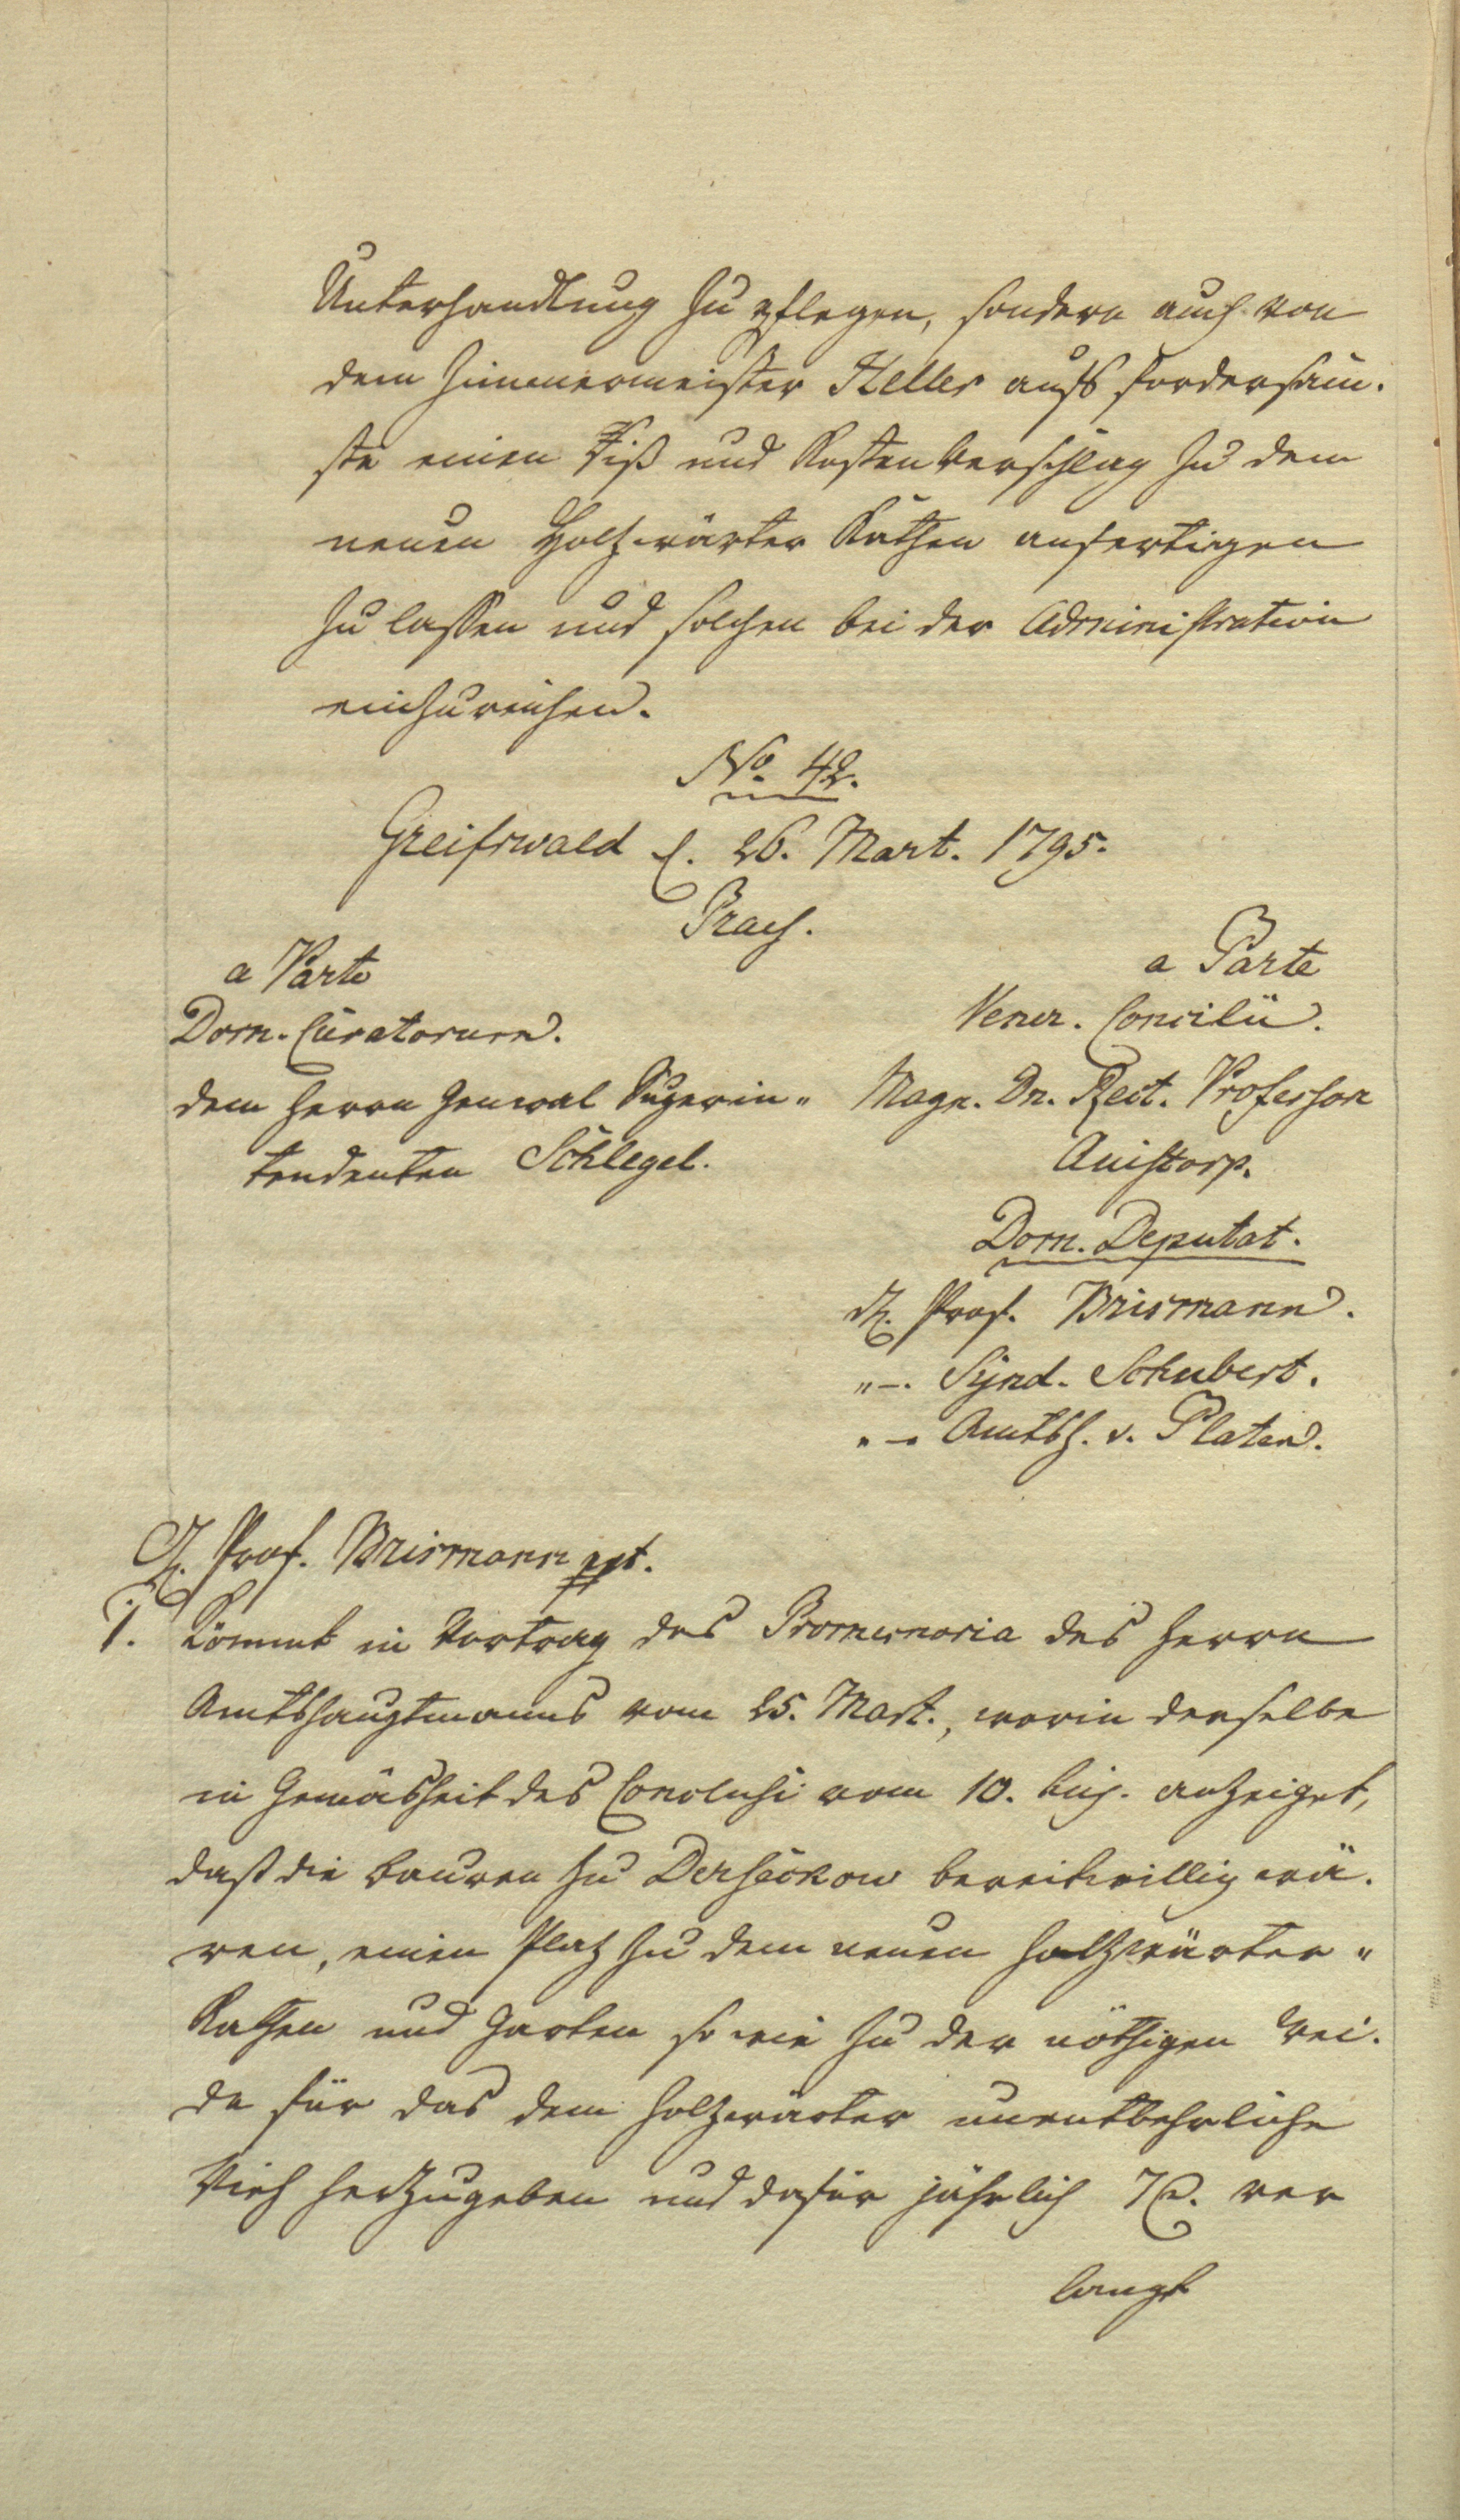Unterhandlung zu pflegen, sondern auch von
dem Zimmermeister Heller aufs fordersam¬
ste einen Riß und KostenVerschlag zu dem
neuen Holzwärter Kathen anfertigen
zu lassen und solchen bei der Administration
einzureichen.
No 42.
Greifswald d. 26. Mart. 1795.
Praes.
a Parte a Parte
Dom. Curatorum. Vener. Concilii
dem Herrn General Superin¬ Magn. Dn. Rect. Professor
tendenten Schlegel. Quistorp.
Dom. Deputat.
dh. Prof. Brismann.
Sÿnd. Schubert
Amtsh. v. Platen.
dh. Prof. Brismann ppt.
1. Kömmt in Vortrag das Promemoria des Herrn
Amtshauptmanns vom 25. Mart., worin derselbe
in Gemäsheit des Conclusi vom 10. huj. anzeiget,
daß die Bauren zu Derseckow bereitwillig wä¬
ren, einen Platz zu dem neuen Holzwärter¬
Kathen und Garten so wie zu der nöthigen Wei¬
de für das dem Holzwärter unentbehrliche
Vieh herzugeben und dafür jährlich 7 l. ver¬
langt